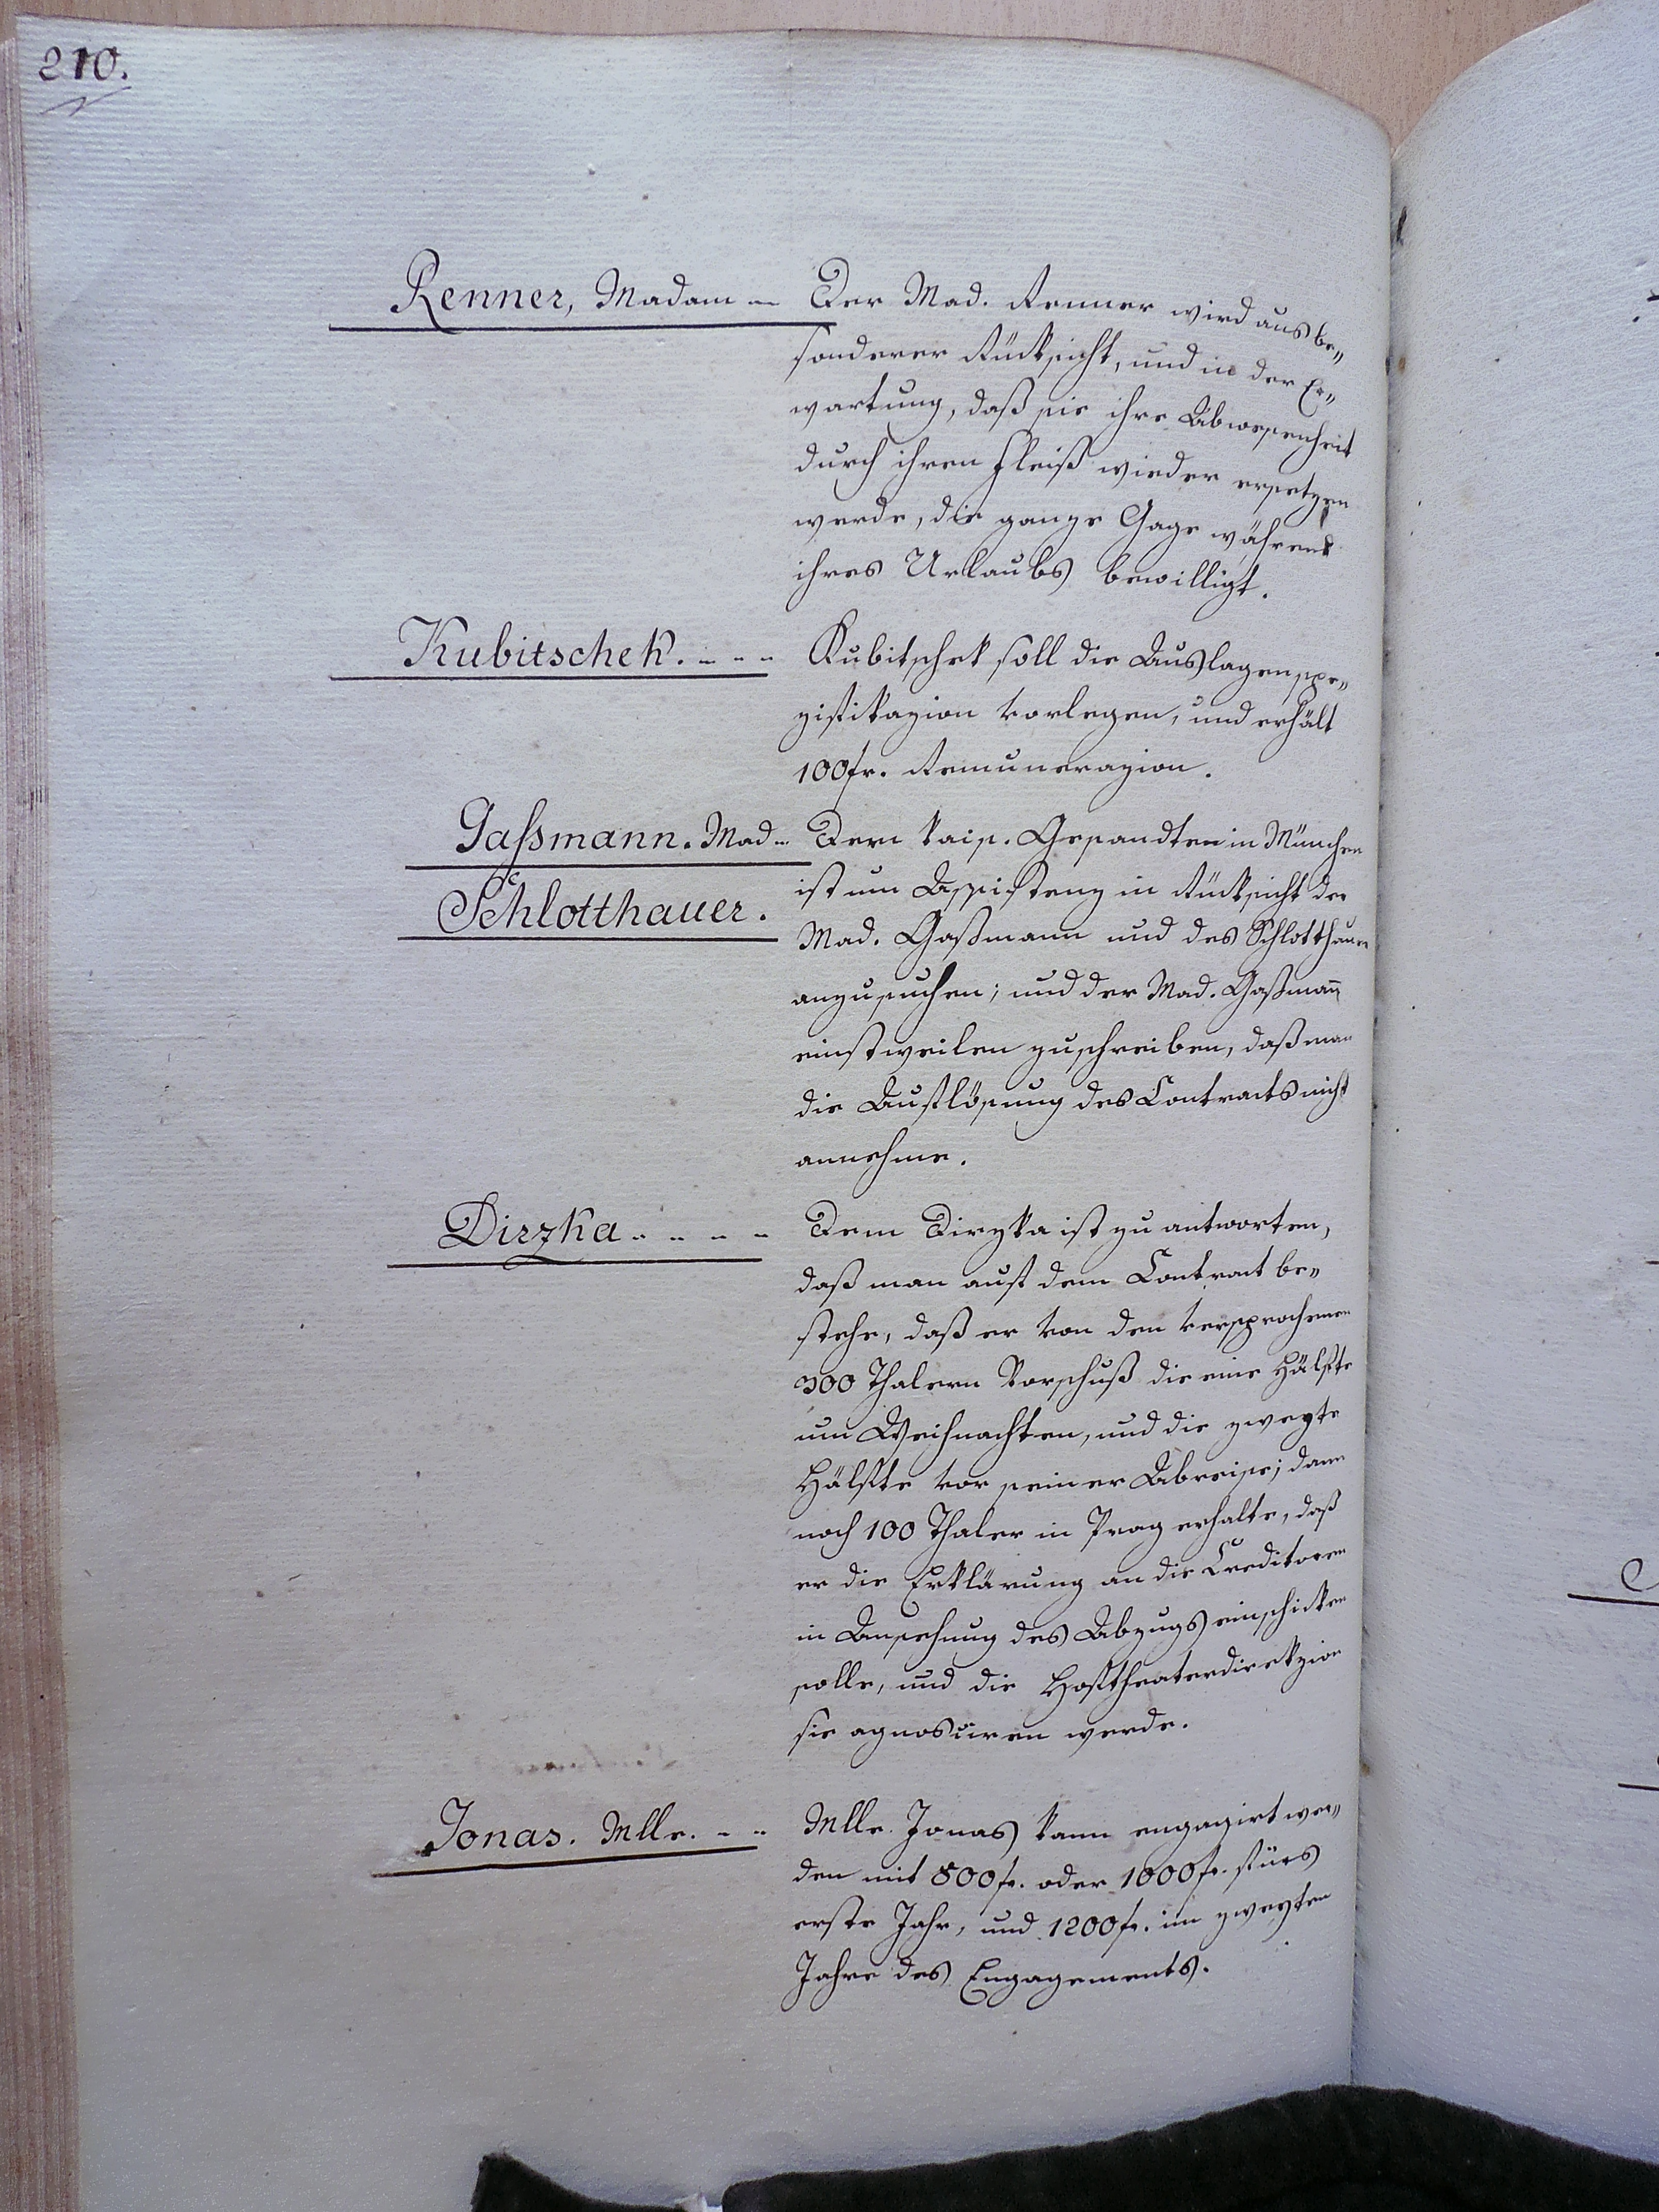210.
Renner, Madam .... Der Mad. Renner wird aus be¬
sonderer Rücksicht, und in der Er¬
wartung, daß sie ihre Abwesenheit
durch ihren Fleiß wieder ersetzen
werde, die ganze Gage während
ihres Urlaubs bewilligt.
Kubitschek. .. .. .. Kubitschek soll die Auslagenspe¬
zifikazion vorlegen, und erhält
100fr. Remunerazion.
Gassmann, Mad ...
Schlotthauer.
Dem kais. Gesandten in München
ist um Assistenz in Rücksicht der
Mad. Gaßmann und des Schlotthauer
anzusuchen; und der Mad. Gaßman̅
einstweilen zuschreiben, daß man
die Auflösung des Contracts nicht
annehmne,.
Dirzka .. .. .. .. Dem Dirzka ist zu antworten,
daß man auf dem Contract be¬
stehe, daß er von den versprochenen
300 Thalern Vorschuß die eine Hälfte
um Weihnachten, und die zweyte
Hälfte vor seiner Abreise; dann
nach 100 Thaler in Prag erhalte, daß
er die Erklärung an die Creditoren
in Ansehung des Abzugs einschicken
solle, und die Hoftheaterdirekzion
sie agnosciren werde.
Jonas. Mllle. .. .. Mlle Jonas kann engagirt wer¬
den mit 800fr. oder 1000fr. fürs
erste Jahr, und 1200fr. im zweyten
Jahre des Engagements.